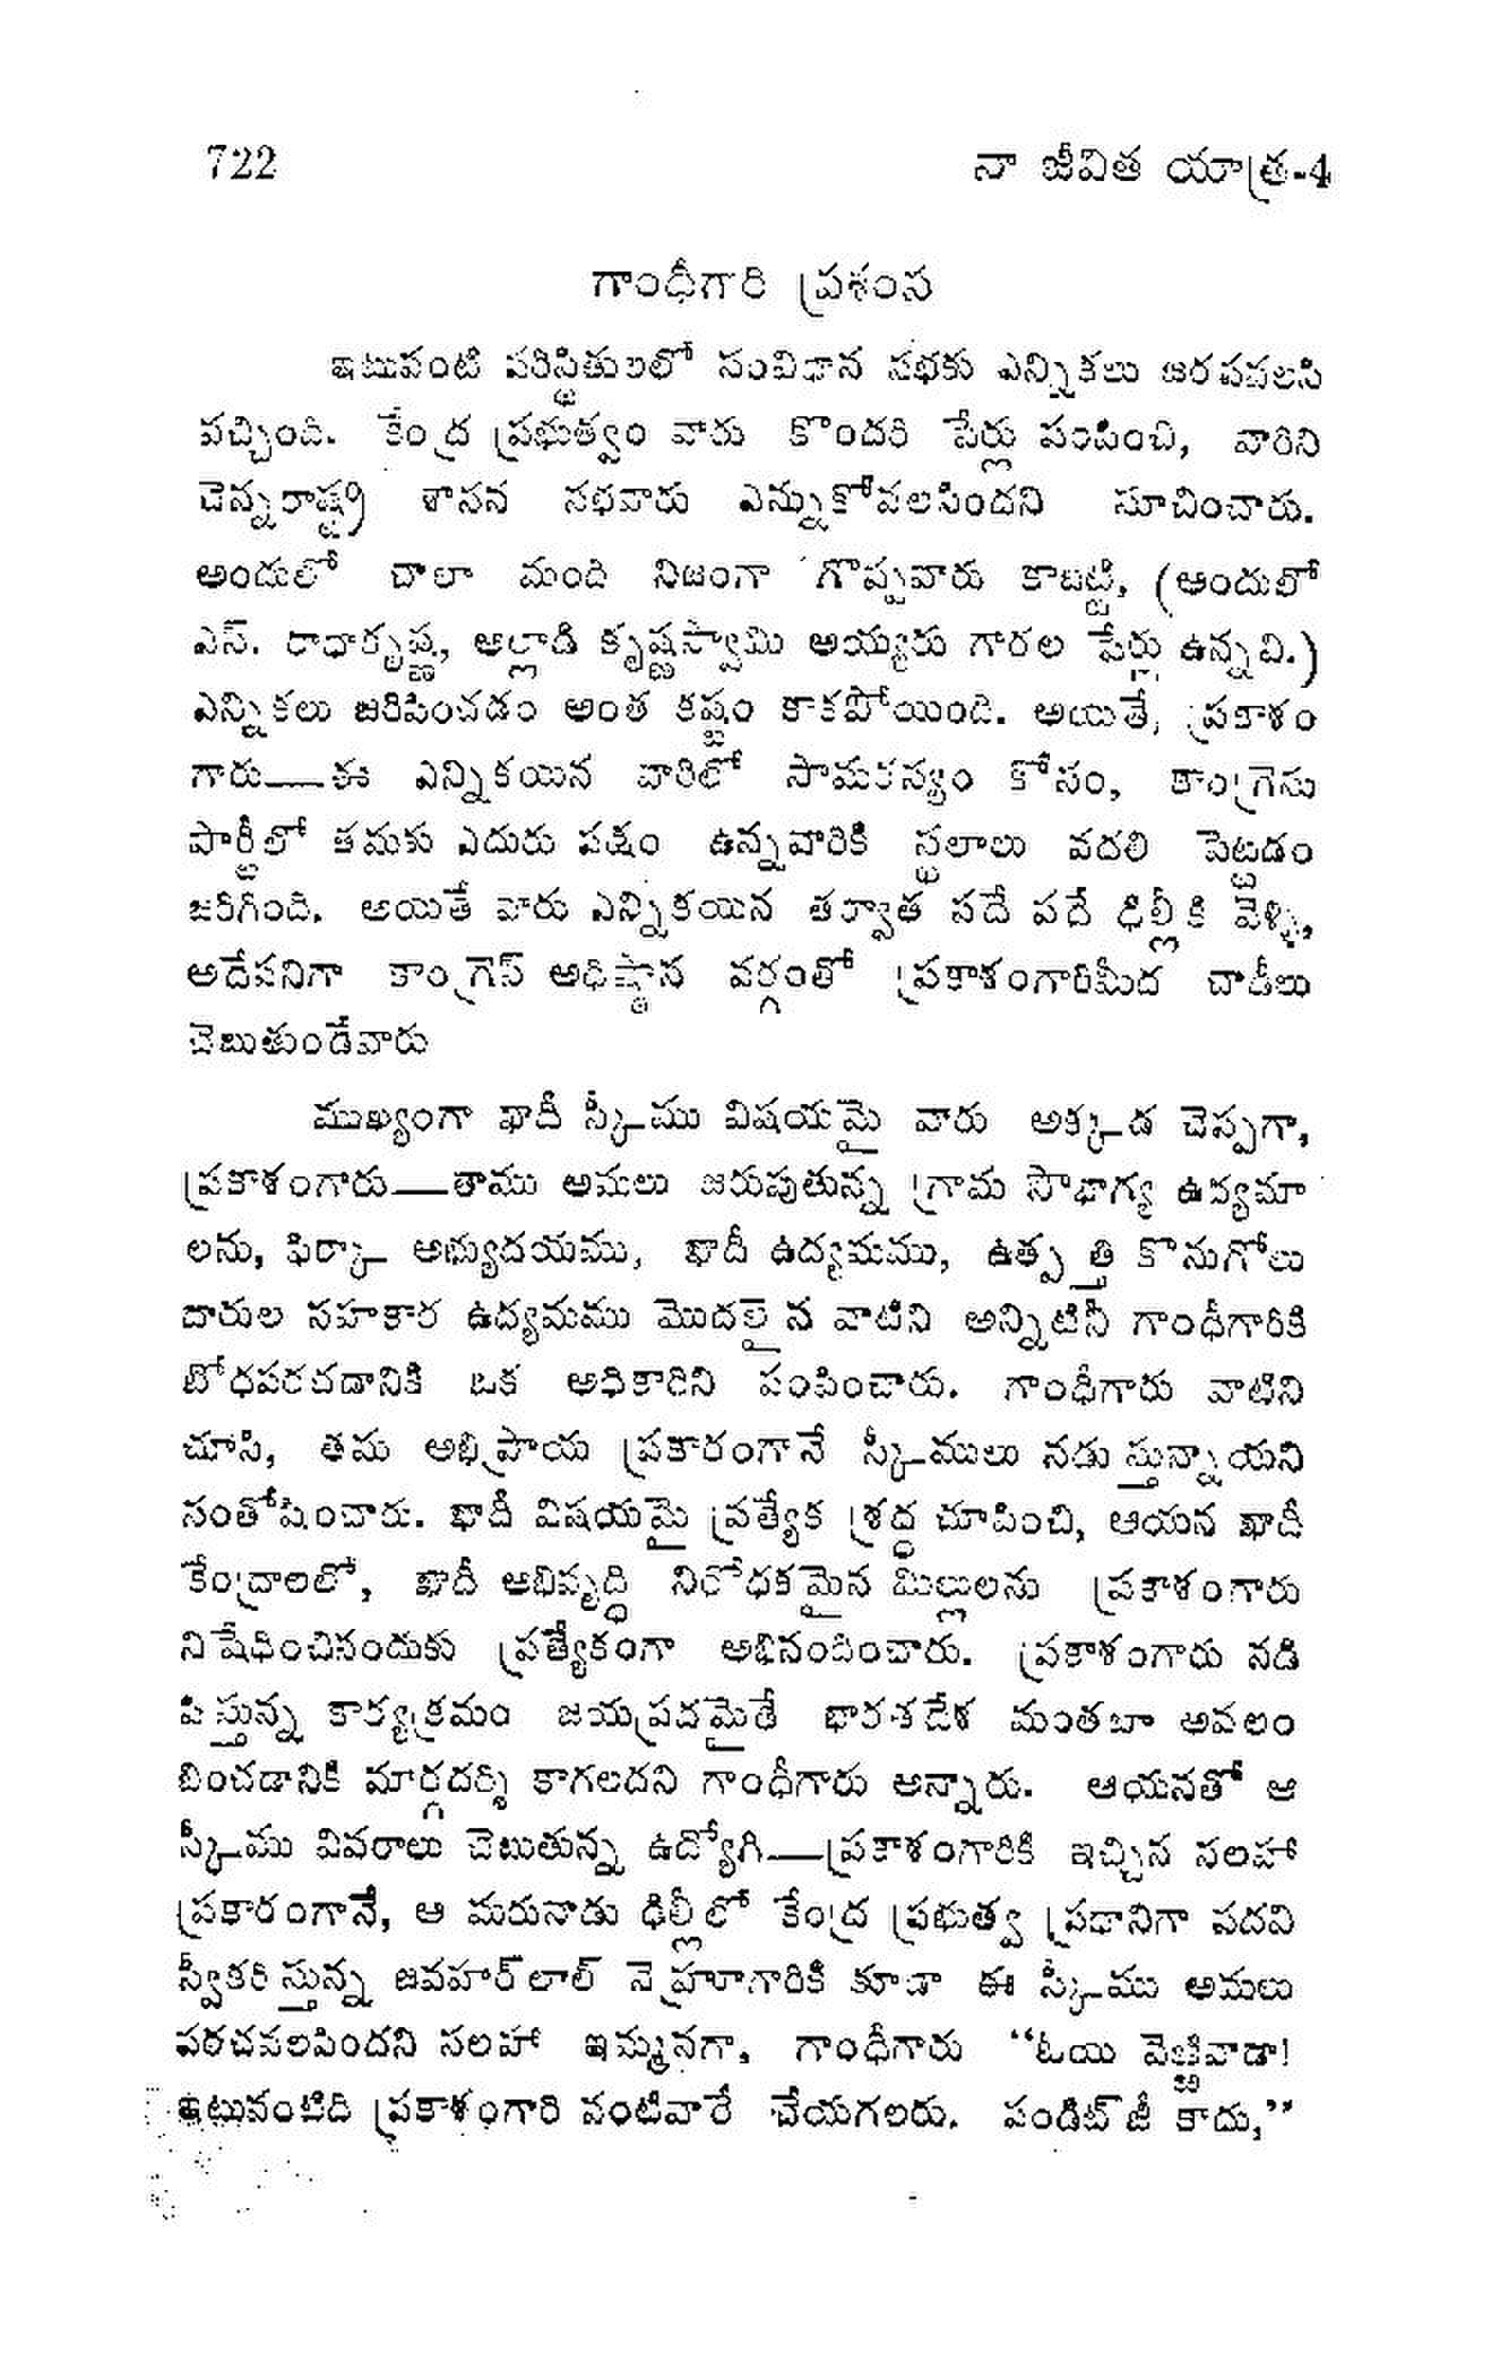ఇటువంటి పరిస్థితులలో సంవిధాన సభకు ఎన్నికలు జరపవలసి వచ్చింది. కేంద్ర ప్రభుత్వం వారు కొందరి పేర్లు పంపించి, వారిని చెన్నరాష్ట్ర శాసన సభవారు ఎన్నుకో వలసిందని సూచించారు. అందులో చాలా మంది నిజంగా గొప్పవారు కాబట్టి, (అందులో ఎస్. రాధాకృష్ణ, అల్లాడి కృష్ణస్వామి అయ్యరు గారల పేర్లు ఉన్నవి.) ఎన్నికలు జరిపించడం అంత కష్టం కాకపోయింది. అయితే, ప్రకాశంగారు - ఈ ఎన్నికయిన వారిలో సామరస్యం కోసం, కాంగ్రెసు పార్టీలో తమకు ఎదురు పక్షం ఉన్నవారికి స్థలాలు వదలి పెట్టడం జరిగింది. అయితే వారు ఎన్నికయిన తర్వాత పదే పదే ఢిల్లీకి వెళ్ళి, అదేపనిగా కాంగ్రెస్ అధిష్ఠాన వర్గంలో ప్రకాశంగారిమీద చాడీలు చెబుతుండేవారు.

ముఖ్యంగా ఖాదీ స్కీము విషయమై వారు అక్కడ చెప్పగా, ప్రకాశంగారు - తాము అమలు జరుపుతున్న గ్రామ సౌభాగ్య ఉద్యమాలను, ఫిర్కా అభ్యుదయము, ఖాదీ ఉద్యమము, ఉత్పత్తి కొనుగోలు దారుల సహకార ఉద్యమము మొదలైన వాటిని అన్నిటినీ గాంధీగారికి బోధపరచడానికి ఒక అధికారిని పంపించారు. గాంధీగారు వాటిని చూసి, తమ అభిప్రాయ ప్రకారంగానే స్కీములు నడుస్తున్నాయని సంతోషించారు. ఖాదీ విషయమై ప్రత్యేక శ్రద్ధ చూపించి, ఆయన ఖాదీ కేంద్రాలలో, ఖాదీ అభివృద్ధి నిరోధకమైన మిల్లులను ప్రకాశంగారు నిషేధించినందుకు ప్రత్యేకంగా అభినంధించారు. ప్రకాశంగారు నడిపిస్తున్న కార్యక్రమం జయప్రదమైతే భారతదేశ మంతటా అవలంబించడానికి మార్గదర్శి కాగలరని గాంధీగారు అన్నారు. ఆయనతో ఆ స్కీము వివరాలు చెబుతున్న ఉద్యోగి - ప్రకాశంగారికి ఇచ్చిన సలహా ప్రకారంగానే, ఆ మరునాడు డిల్లీలో కేంద్ర ప్రభుత్వ ప్రధానిగా పదవి స్వీకరిస్తున్న జవహర్‌లాల్ నెహ్రూగారికి కూడా ఈ స్కీము అమలు పరచవలసిందని సలహా ఇమ్మనగా, గాంధీగారు "ఓయి వెఱ్ఱివాడా! ఇటువంటిది ప్రకాశంగారి వంటివారే చేయగలరు. పండిట్ జీ కాదు,"